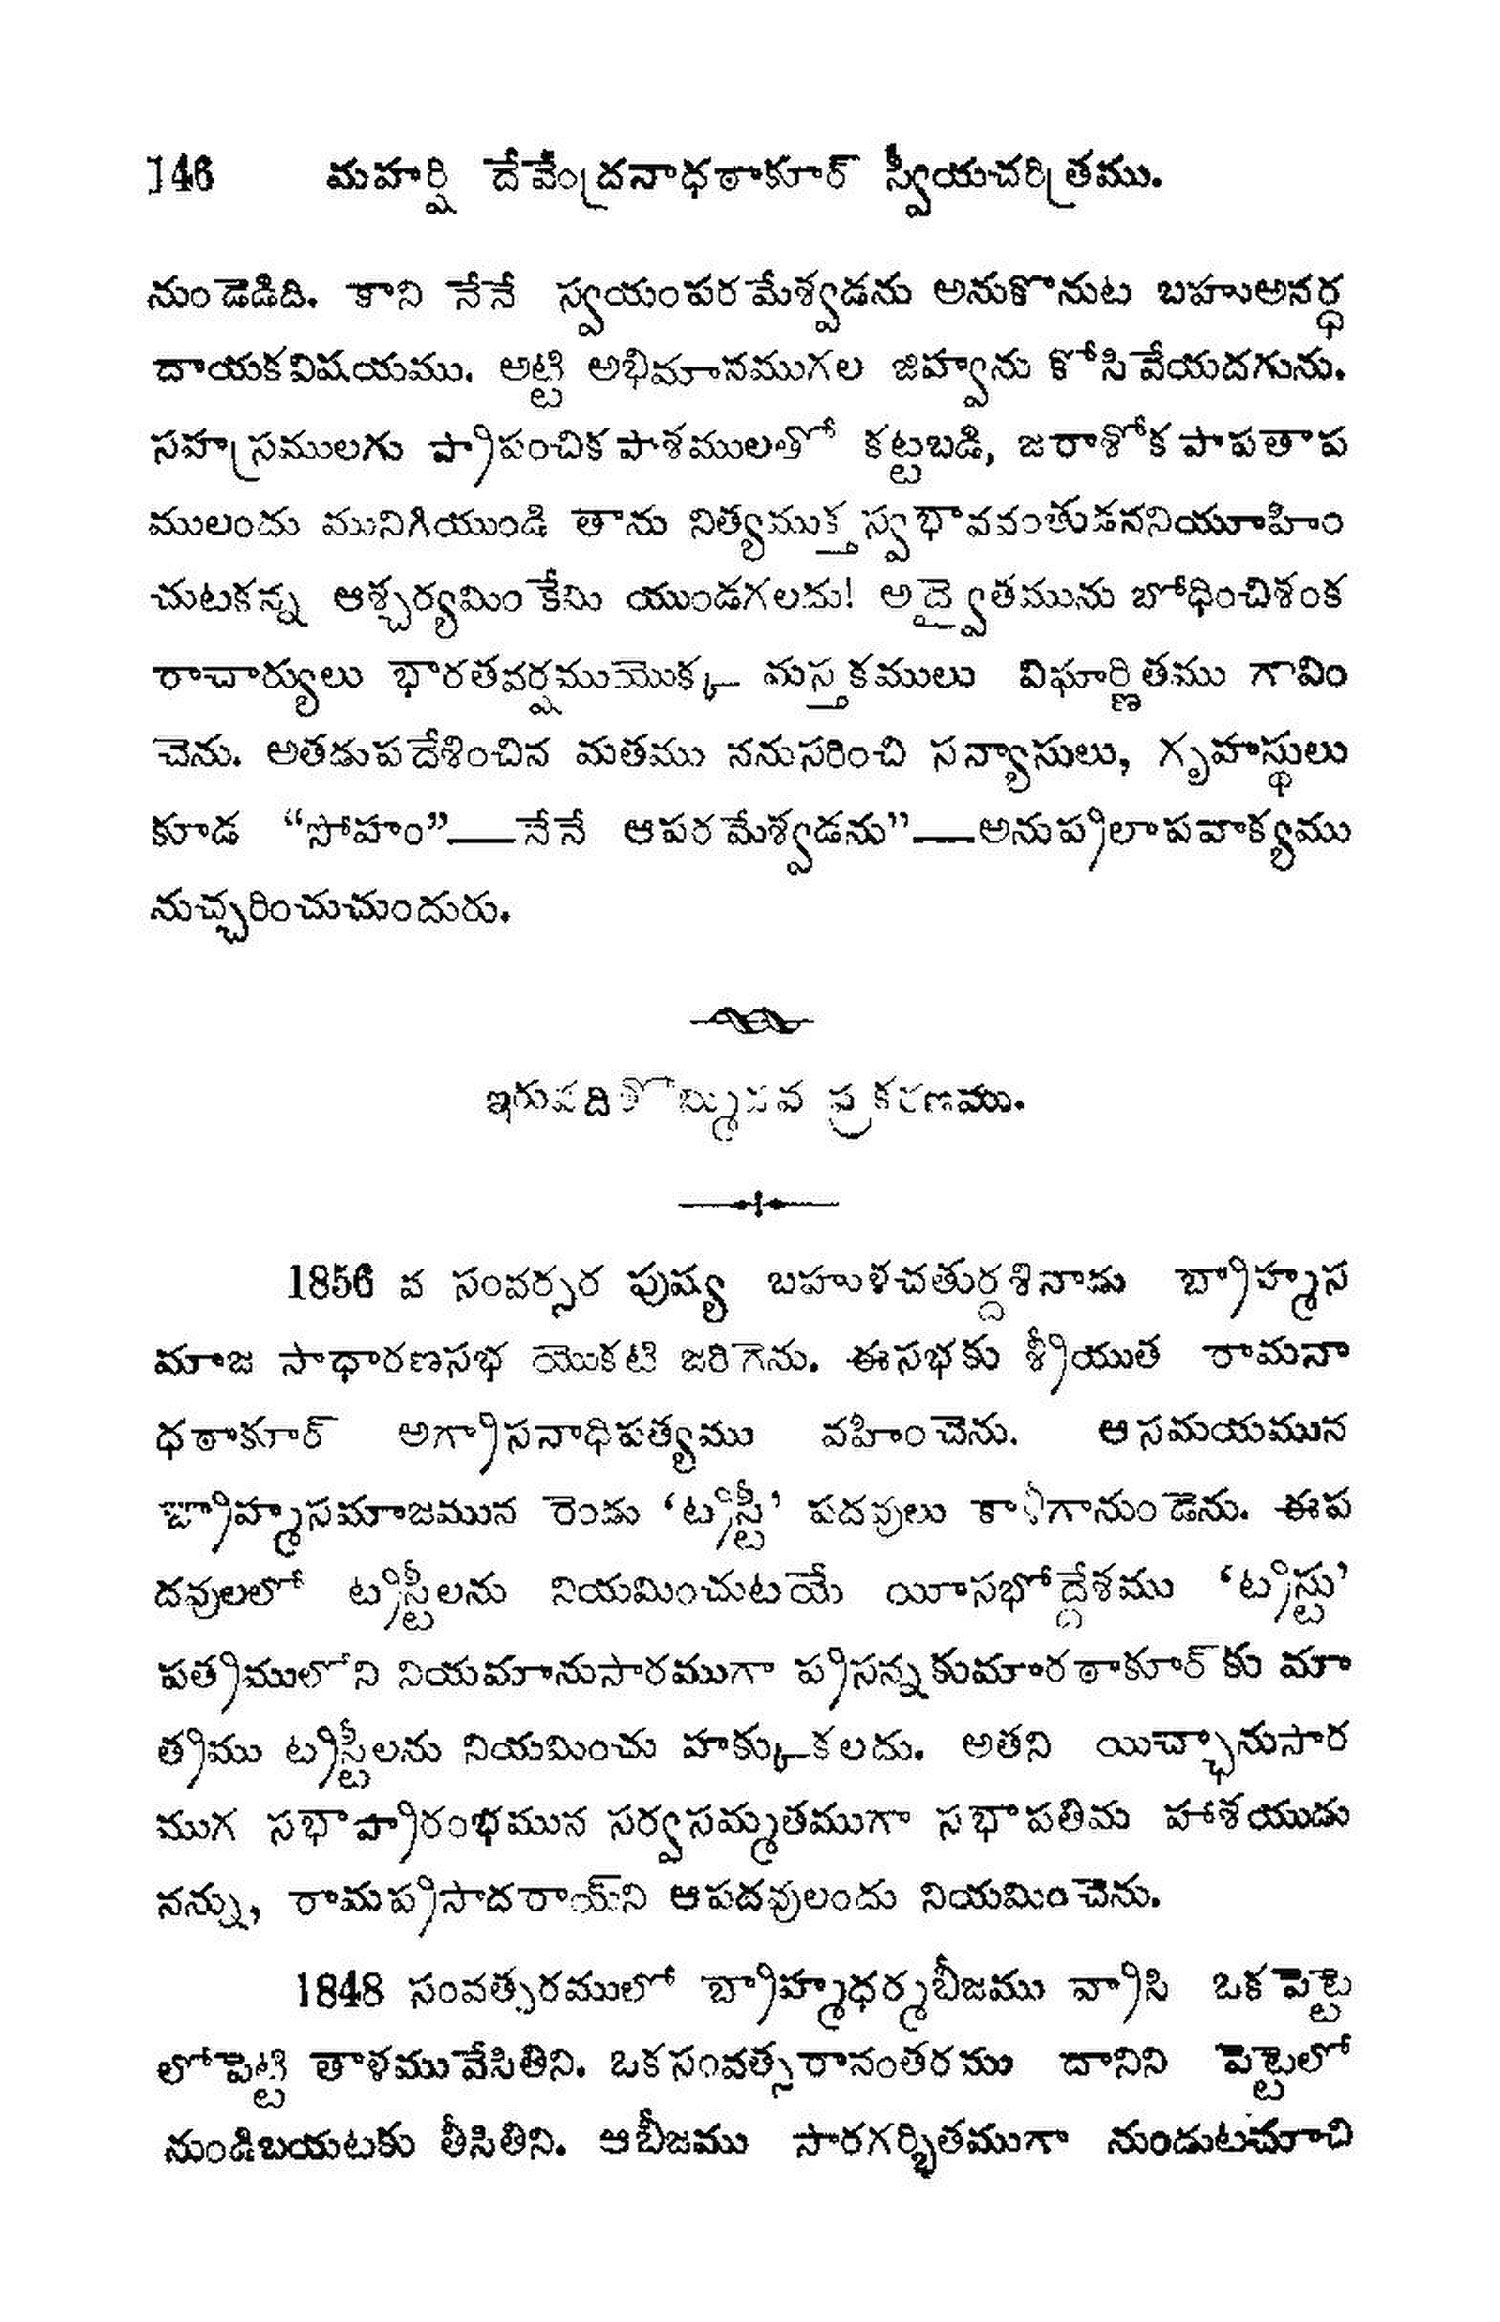.
నుం డెడిది. కాని నేనే స్వయంపర మేశ్వడను అనుకొనుట బహు
అనర్ధ దాయక విషయము. అట్టి అభిమానముగల జిహ్వను
కోసి వేయదగును.సహస్రములగు ప్రాపంచిక పాశములతో కట్టబడి, 
జరాశోక పాపతాపములంచు మునిగియుండి తాను నిత్యముక్త స్వభావంతుకననియూహీంచుటకన్న ఆశ్చర్యమింకేమి యుండగలదు! 
అద్వైతమును బోధించి శంకరాచార్యులు భారతవర్షము యొక్క 
మస్తకములు విఘార్ణితము గావించెను. అతడుపదేశించిన మతము 
ననుసరించి సన్యాసులు, గృహస్థులుకూడ “సోహం”.నేనే 
ఆఆపర మేశ్వడను"-అను ప్రలాప వాక్యము నుచ్చరించుచుందురు.

1858 వ సంవర్సర పుష్య బహుళ చతుర్దశినాడు బ్రాహ్మస
మాజ సాధారణసభ యొకటి జరిగెను. ఈ సభకు శ్రీయుత 
రామనాధరాకూర్ అలొ సనాధిపత్యము వహించెను. ఆ 
సమయమున బ్రాహ్మసమాజమున రెండు 'ట్రస్టీ' పదవులు కాళీగా
నుండెను. ఈపదవులలో టాస్టీలను నియమించుటయే యీ సభోద్దేశము 
'ట్రస్టు'పత్రములోని నియమానుసారముగా ప్రసన్నకుమార 
ఠాకూర్ కుమాత్రము ట్రస్టీలను నియమించు హక్కు కలదు. 
అతని యిచ్ఛానుసారముగ సభాప్రారంభమున సర్వసమ్మతముగా 
సభాపతిమహాశయుడు నన్ను, రామప్రసాదరాయ్ ని ఆపదవులందు 
నియమిం చెను.

1848 సంవత్సరములో 'బ్రాహ్మధర్మబీజము వ్రాసి ఒక పెట్టేలో పెట్టి 
తాళము వేసితిని. ఒక సంవత్సరానంతరము దానిని పెట్టెలో
నుండి బయటకు తీసితిని. ఆ బీజము సారగర్భితముగా నుండుట చూచి